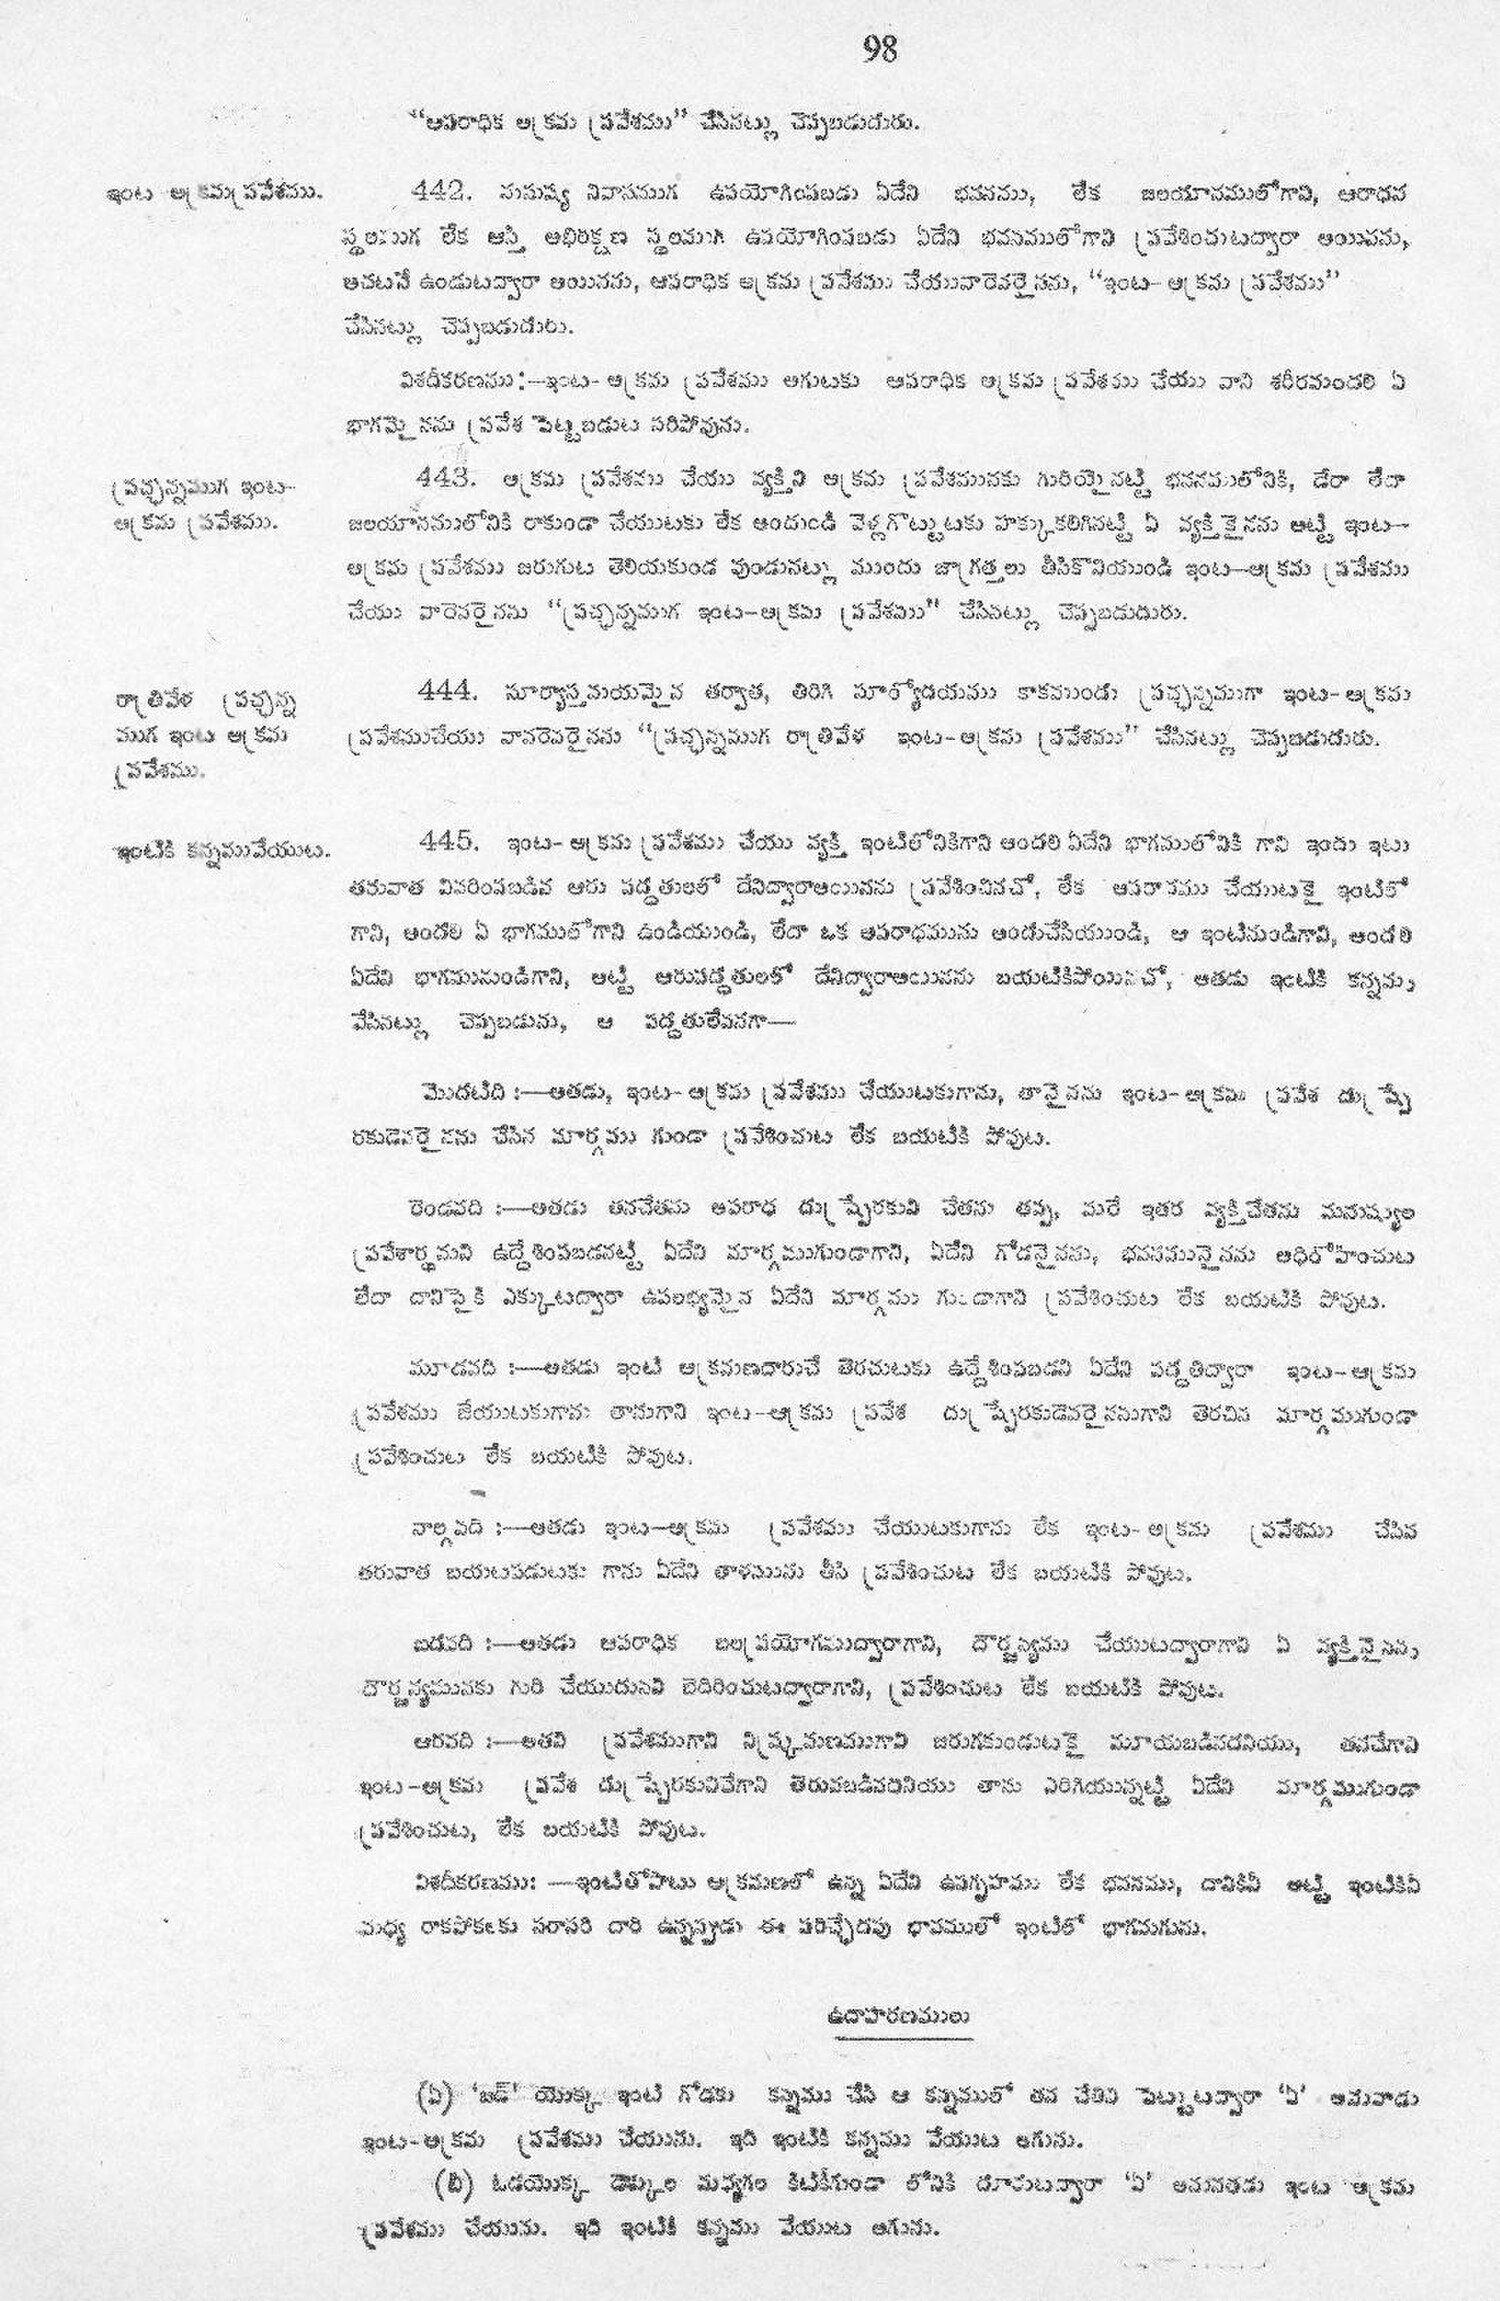“అపరాధిక ఆ క్రమ ప్రవేశము " చేసినట్లు చెప్పబడుదురు.

ఇంట అక్రము ప్రవేశము. 

442. మనుష్య నివాసముగా ఉపయోగింపబడు ఏదేని భవనము, లేక జలయానములోగాని, ఆరాధన స్థలముగ లేక ఆస్తి అభిరక్షణ స్థలముగ , ఉపయోగింపబడు ఏదేని భవనములో గాని ప్రవేశించుటద్వారా ఆయినను, ఆచటనే ఉండుట ద్వారా ఆయినను, ఆపరాధిక అక్రమ ప్రవేశము: చేయు వారెవరైనను, “ఇంట ఆక్రమ ప్రవేశము " చేసినట్లు చెప్పబడుదులు.

విశదీకరణము:- -ఇంట ఆక్రమ ప్రవేశము అగుటకు ఆపరాధిక ఆక్రమ ప్రవేశము చేయు వాని శరీరమందలి ఏ భాగమై నను ప్రవేశ పెట్టబడుట సరిపోవును.

ప్రచ్ఛన్నముగ ఇంట ఆక్రమ ప్రవేశము.

443. ఆక్రమ ప్రవేశము చేయు వ్యక్తిని ఆక్రము ప్రవేశమునకు గురియై నట్టి భవనము లోనికి, డేరా లేదా జలయానము లోనికి రాకుండా చేయుటకు లేక అందుండి వెళ్లగొట్టుటకు హక్కు కలిగినట్టి ఏ వ్యక్తి కైనను అట్టి ఇంట -ఆక్రమ ప్రవేశము జరుగుట తెలియకుండ వుండునట్లు ముందు జాగ్రత్తలు తీసికొనియుండి ఇంట— ఆక్రమ ప్రవేశము చేయు వారెవరై నను " ప్రచ్ఛన్నముగ ఇంట- ఆక్రమ ప్రవేశము" చేసినట్లు చెప్పబడుదురు.

రాత్రివేళ ప్రచ్ఛన్నముగ ఇంట ఆ క్రమ ప్రవేశము,
 
444. సూర్యాస్తమయమైన తర్వాత, తిరిగి సూర్యోదయము కాకముందు ప్రచ్ఛన్నముగా ఇంటి- ఆ క్రమ ప్రవేశముచేయు వారెవరై నను “ప్రచ్ఛన్నముగ రాత్రివేళ ఇంట- ఆక్రమ ప్రవేశము" చేసినట్లు చెప్పబడుదురు.

"ఇంటికి కన్నము వేయుట. 

445, ఇంట- ఆక్రమ ప్రవేశము చేయు వ్యక్తి ఇంటిలోనికి గాని ఆందరి ఏదేని భాగములోనికి గాని ఇందు ఇటు తరువాత వివరింప బడిన ఆరు పద్ధతులలో దేనిద్వారా ఆయనను ప్రవేశించినచో, లేక అపరాధము చేయుటకై ఇంటిలో గాని, అందలి ఏ భాగములో గాని ఉండియుండి, లేదా ఒక ఆపరాధమును ఆందుచేసియుండి, ఆ ఇంటినుండిగాని, అందలి ఏదేని భాగము నుండి గాని, అట్టి ఆరుపద్ధతులలో దేనిద్వారా అయినను బయటికిపోయినచో, ఆతడు ఇంటికి కన్నము,వేసినట్లు చెప్పబడును, ఆ పద్దతులేవనగా -

మొదటిది : ఆతడు, ఇంట- ఆక్రమ ప్రవేశము చేయుటకుగాను, తానై నను. ఇంట-ఆక్రమ ప్రవేశ దుష్చేరకుడెవరైనను చేసిన మార్గము గుండా ప్రవేశించుట లేక బయటికి పోవుట.

రెండవది :--- అతడు తనచేతను ఆపరాధ దుష్పేరకుని చేతను తప్ప, మరే ఇతర వ్యక్తి చేతను మనుష్యుల ప్రవేశార్ధమని ఉద్దేశింపబడనట్టి ఏదేని మార్గముగుండా గాని, ఏదేని గోడనై నను, భవనమునై నను అధిరోహించుట లేదా దాని పై కి ఎక్కుటద్వారా ఉపలభ్యమైన ఏదేని మార్గము గుండా గాని ప్రవేశించుట 'లేక బయటికి పోవుట.

మూడవది :-- అతడు ఇంటి ఆక్రమణదారుచే తెరచుటకు ఉద్దేశింపబడని ఏదేని పద్ధతిద్వారా ఇంట- ఆక్రమ ప్రవేశము జేయుటకుగాను, తానుగాని ఇంట - ఆ క్రమ ప్రవేశ దుష్పేరకుడెవరై ననుగాని తెరచిన మార్గముగుండా ప్రవేశించుట లేక బయటికి పోవుట .

నాల్గవది --- ఆతడు ఇంట- ఆ క్రమ ప్రవేశము చేయుటకుగాను లేక ఇంట- అక్రమ ప్రవేశము చేసిన తరువాత బయటపడుటకు గాను ఏదేని తాళమును తీసి ప్రవేశించుట లేక బయటికి పోవుట,

ఐదవది :- ఆతడు. ఆపరాధిక బల ప్రయోగము ద్వారా గాని, దౌర్జన్యము చేయుటద్వారా గాని ఏ వ్యక్తి నైనను దౌర్జన్యమునకు గురి చేయుదునని బెదిరించుట ద్వారా గాని, ప్రవేశించుట లేక బయటికి పోవుట.

ఆరవది:- అతని ప్రవేశముగాని నిష్క్రమణము జరుగకుండుటకై మూయబడినదనియు, తనచే గాని ఇంట - ఆక్రమ ప్రవేశ దుష్ప్రేరకుని చేగాని తెరువబడినదనియు తాను ఎరిగియున్నట్టి ఏదేని మార్గ ముగుండా ప్రవేశించుట, లేక బయటికి పోవుట,

విశదీకరణము : -- ఇంటితోపాటు ఆక్రమణలో ఉన్న ఏదేని ఉపగృహము లేక భవనము, దానికినీ అట్టి ఇంటికినీ మధ్య రాకపోకలకు సరాసరి దారి ఉన్నప్పుడు ఈ పరిచ్ఛేదపు భావములో ఇంటిలొ భాగమగును,

(ఏ) జడ్" యొక్క ఇంటి గోడకు కన్నము చేసి ఆ కన్నములో తన చేతిని పెట్టుట ద్వారా 'ఏ' అను వాడు ఇంట- ఆక్రము ప్రవేశము చేయును. ఇది ఇంటికి కన్నము వేయుట అగును.

(బి) ఓడయొక్క డెక్కల మధ్యగల కిటికీగుండా లోనికి చూచుట ద్వారా 'ఏ' అనునతడు ఇంట ఆక్రమ ప్రవేశము చేయును. ఇది ఇంటికి కన్నము వేయుట ఆగును.